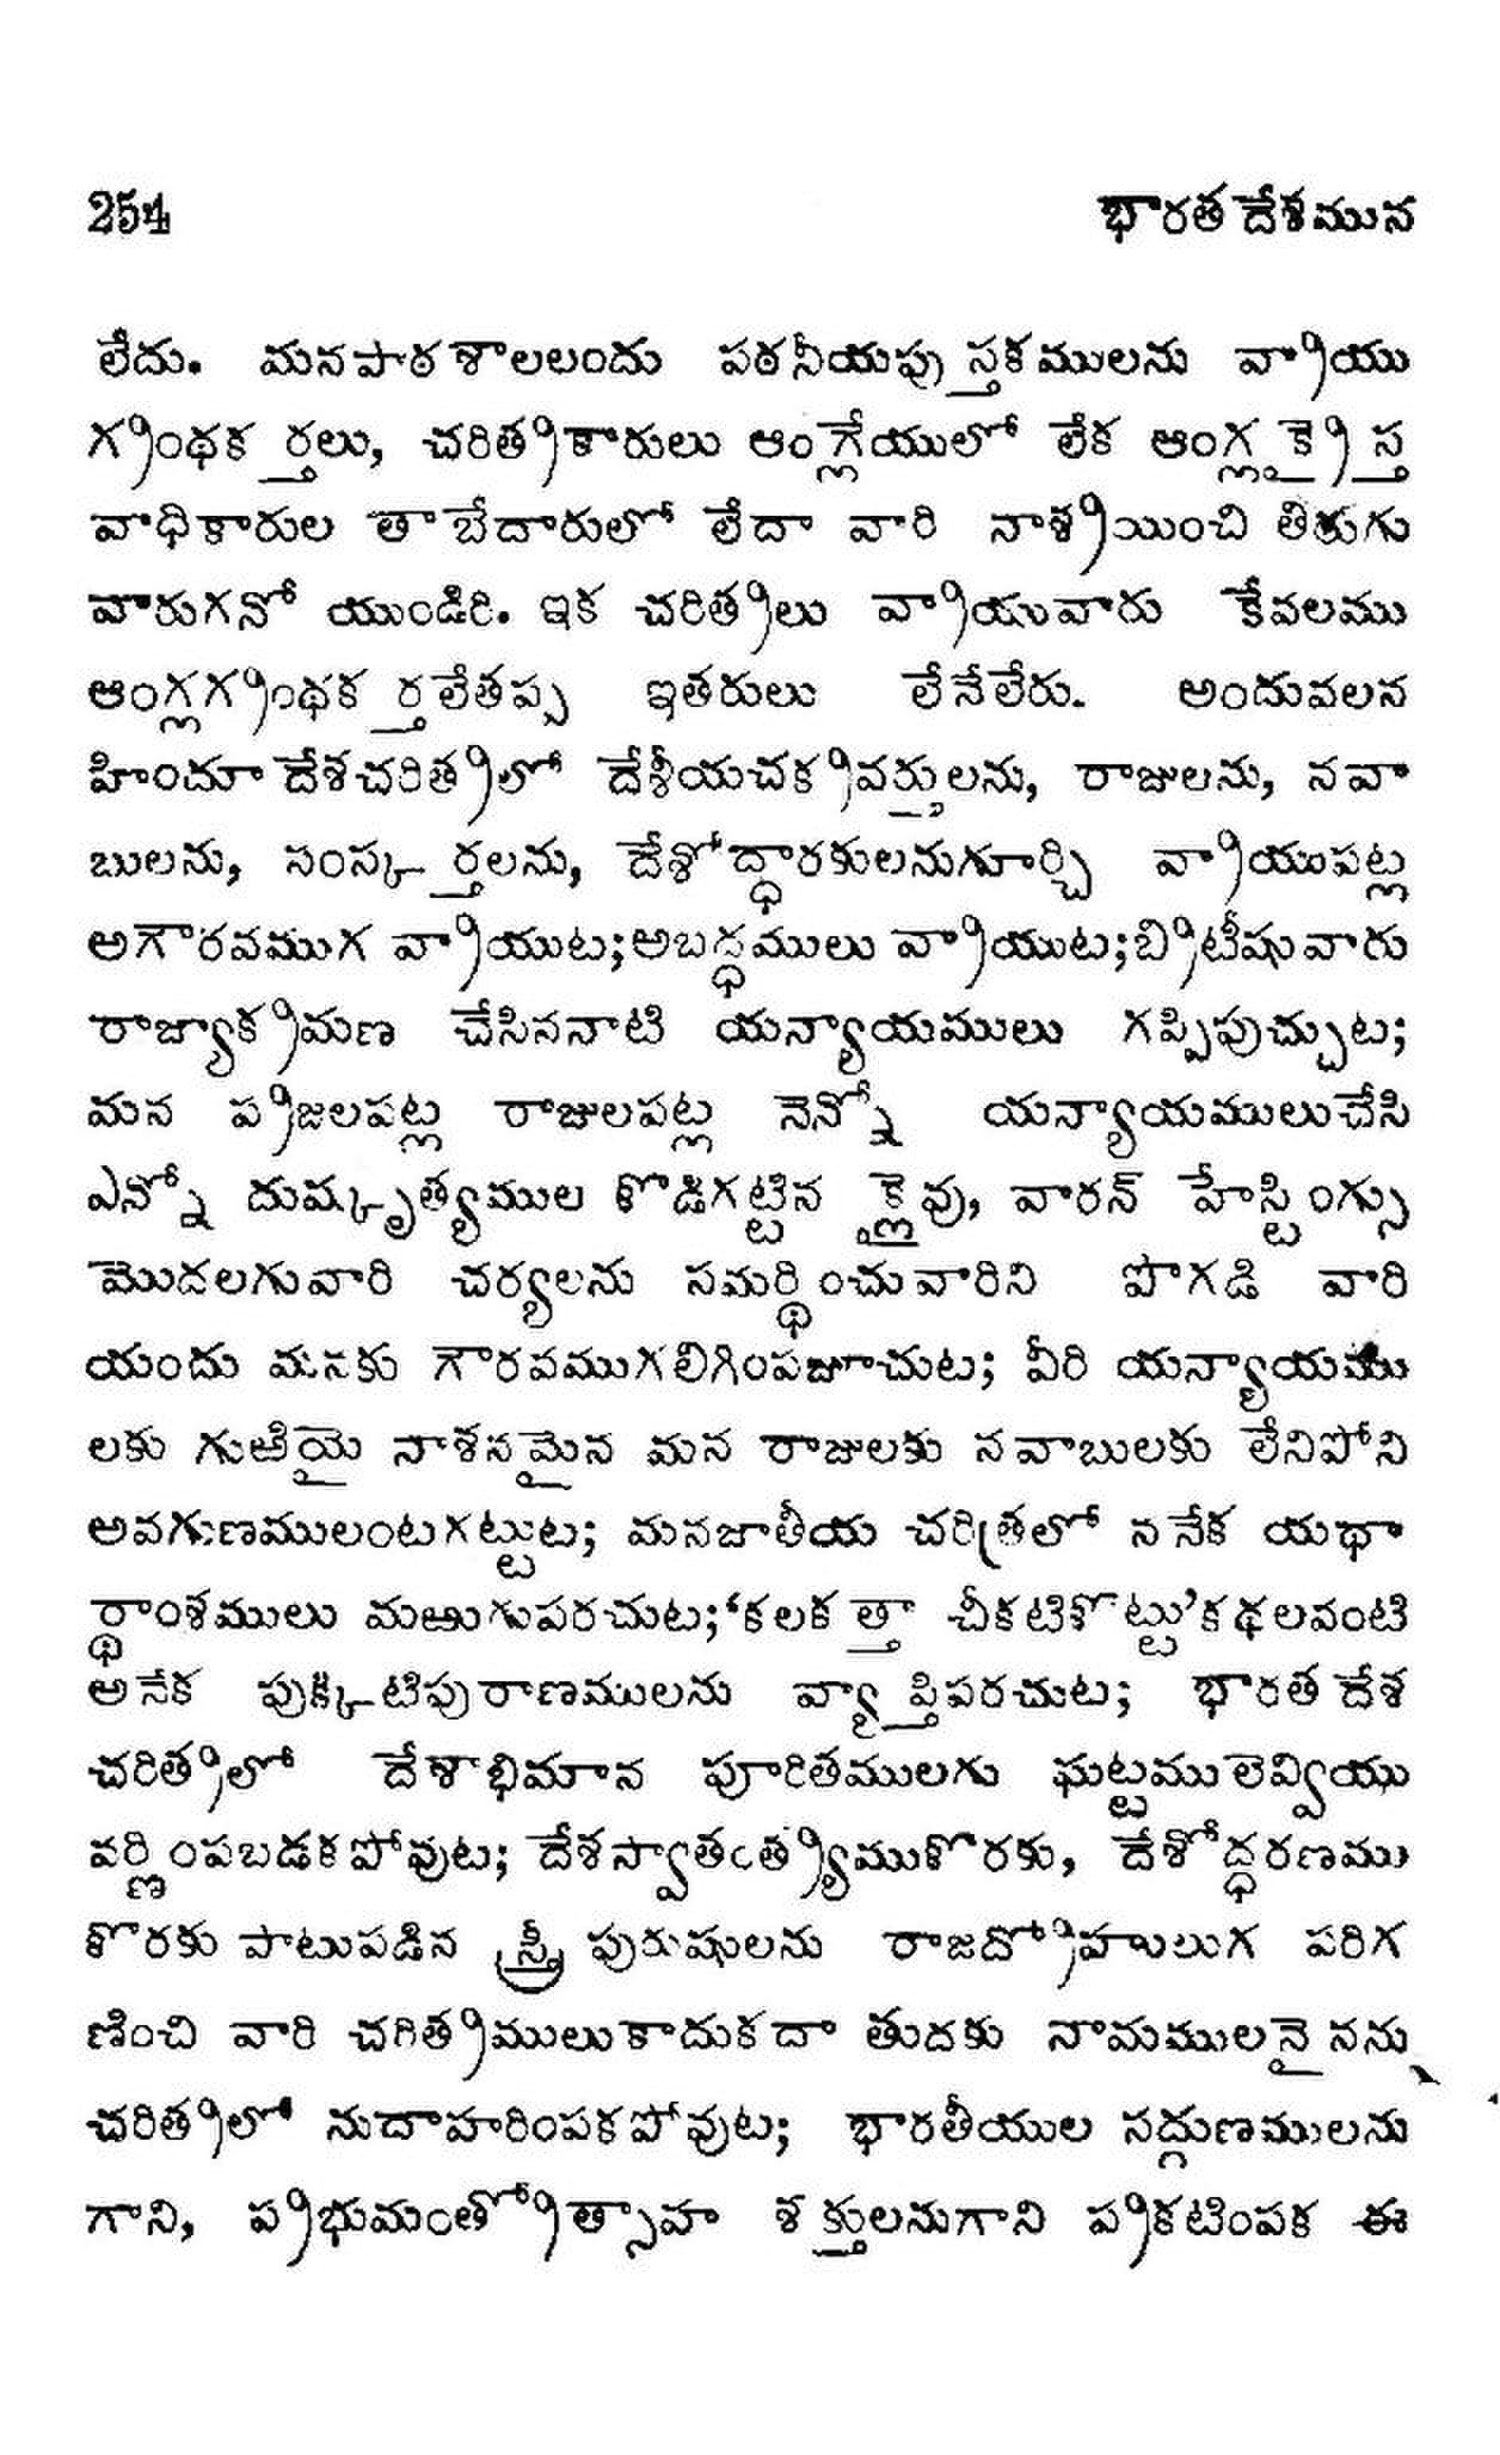లేదు. మనపాఠశాలలందు పఠనీయపుస్తకములను వ్రాయు గ్రంథకర్తలు, చరిత్రకారులు ఆంగ్లేయులో లేక ఆంగ్ల క్రైస్తవాధికారుల తాబేదారులో లేదా వారి నాశ్రయించి తిరుగువారుగనో యుండిరి. ఇక చరిత్రలు వ్రాయువారు కేవలము ఆంగ్లగ్రంథకర్తలేతప్ప ఇతరులు లేనేలేరు. అందువలన హిందూదేశచరిత్రలో దేశీయచక్రవర్తులను, రాజులను, నవా బులను, సంస్కర్తలను, దేశోద్ధారకులనుగూర్చి వ్రాయుపట్ల అగౌరవముగ వ్రాయుట; అబద్దములు వ్రాయుట; బ్రిటీషువారు రాజ్యాక్రమణ చేసిననాటి యన్యాయములు గప్పిపుచ్చుట; మన ప్రజలపట్ల రాజులపట్ల నెన్నో యన్యాయములుచేసి ఎన్నో దుష్కృత్యముల కొడిగట్టిన క్లైవు, వారన్ హేస్టింగ్సు మొదలగువారి చర్యలను సమర్థించువారిని పొగడి వారియందు మనకు గౌరవముగలిగింపజూచుట; వీరి యన్యాయములకు గుఱియై నాశనమైన మన రాజులకు నవాబులకు లేనిపోని అవగుణములంటగట్టుట; మనజాతీయ చరిత్రలో ననేక యథార్థాంశములు మఱుగుపరచుట; కలకత్తా చీకటికొట్టు'కథలవంటి అనేక పుక్కిటిపురాణములను వ్యాప్తిపరచుట; భారతదేశచరిత్రలో దేశాభిమాన పూరితములగు ఘట్టము లెవ్వియు వర్ణింపబడకపోవుట; దేశస్వాతంత్ర్యముకొరకు, దేశోద్ధరణముకొరకు పాటుపడిన స్త్రీ పురుషులను రాజద్రోహులుగ పరిగణించి వారి చరిత్రములుకాదుకదా తుదకు నామములనైనను. చరిత్రలో నుదాహరింపకపోవుట; భారతీయుల సద్గుణములను గాని, ప్రభుమంత్రోత్సాహ శక్తులనుగాని ప్రకటింపక ఈ